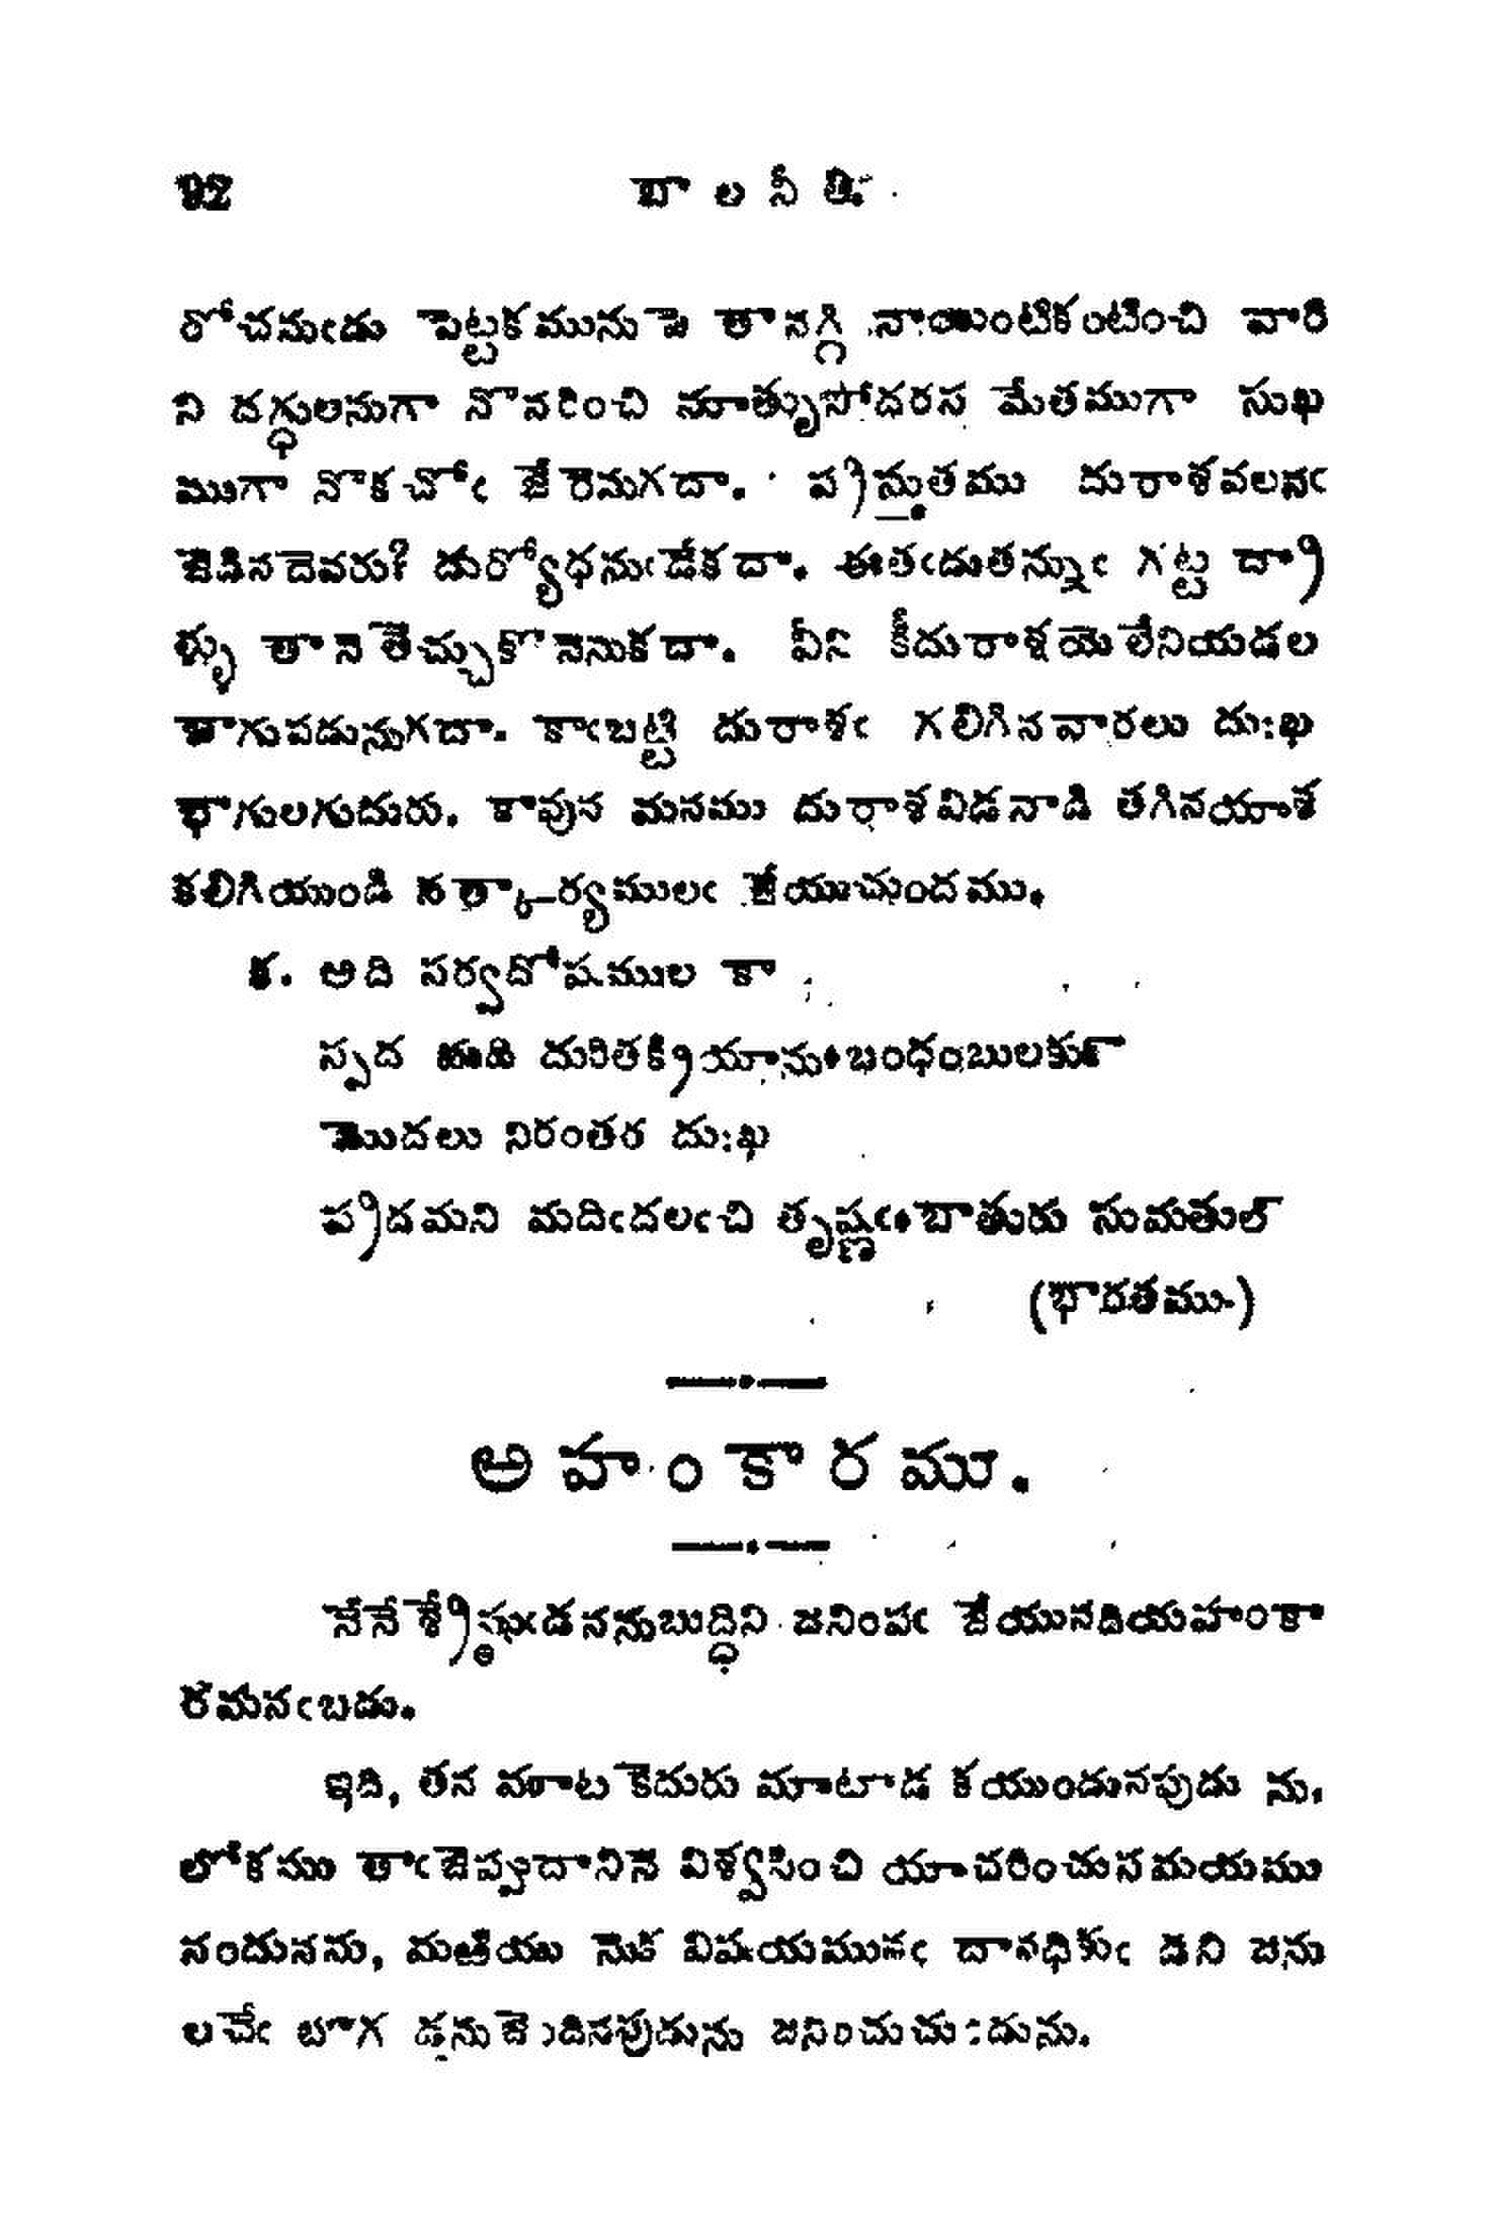రోచనుఁడు పెట్టకమునుపె తానగ్గి నాయింటికంటించి వారి
ని దగ్ధులనుగా నొనరించి మాతృసోదరస మేతముగా సుఖ
ముగా నొకచోఁ జేరెనుగదా. ప్రస్తుతము దురాశవలనఁ 
జెడినదెవరు? దుర్యోధనుఁడేకదా. ఈతఁడుతన్నుఁ గట్ట ద్రా
ళ్ళు తానెతెచ్చుకొనెనుకదా. వీని కీదురాశయెలేనియెడల 
బాగుపడునుగదా. కాఁబట్టి దురాశఁ గలిగినవారలు దు:ఖ
భాగులగుదురు. కావున మనము దురాశవిడనాడి తగినయాశ 
కలిగియుండి సత్కార్యములఁ జేయుచుందము.

క. అది సర్వదోషముల కా
 స్పద మది దురితక్రియాను♦బంధంబులకున్
 మొదలు నిరంతర దు:ఖ
 ప్రదమని మదిఁదలఁచి తృష్ణఁ♦బాతురు సుమతుల్ 
 (భారతము)

 
అహంకారము.

నేనేశ్రేష్ఠుఁడననుబుద్ధిని జనింపఁ జేయునదియహంకా
రమనఁబడు.

ఇది, తన మాట కెదురు మాటాడక యుండునపుడును, 
లోకము తాఁజెప్పుదానినె విశ్వసించి యాచరించుసమయము
నందునను, మఱియు నొక విషయమునఁ దానధికుఁ డని జను
లచేఁ బొగడ్తనుజెందినపుడును జనించుచుండును.